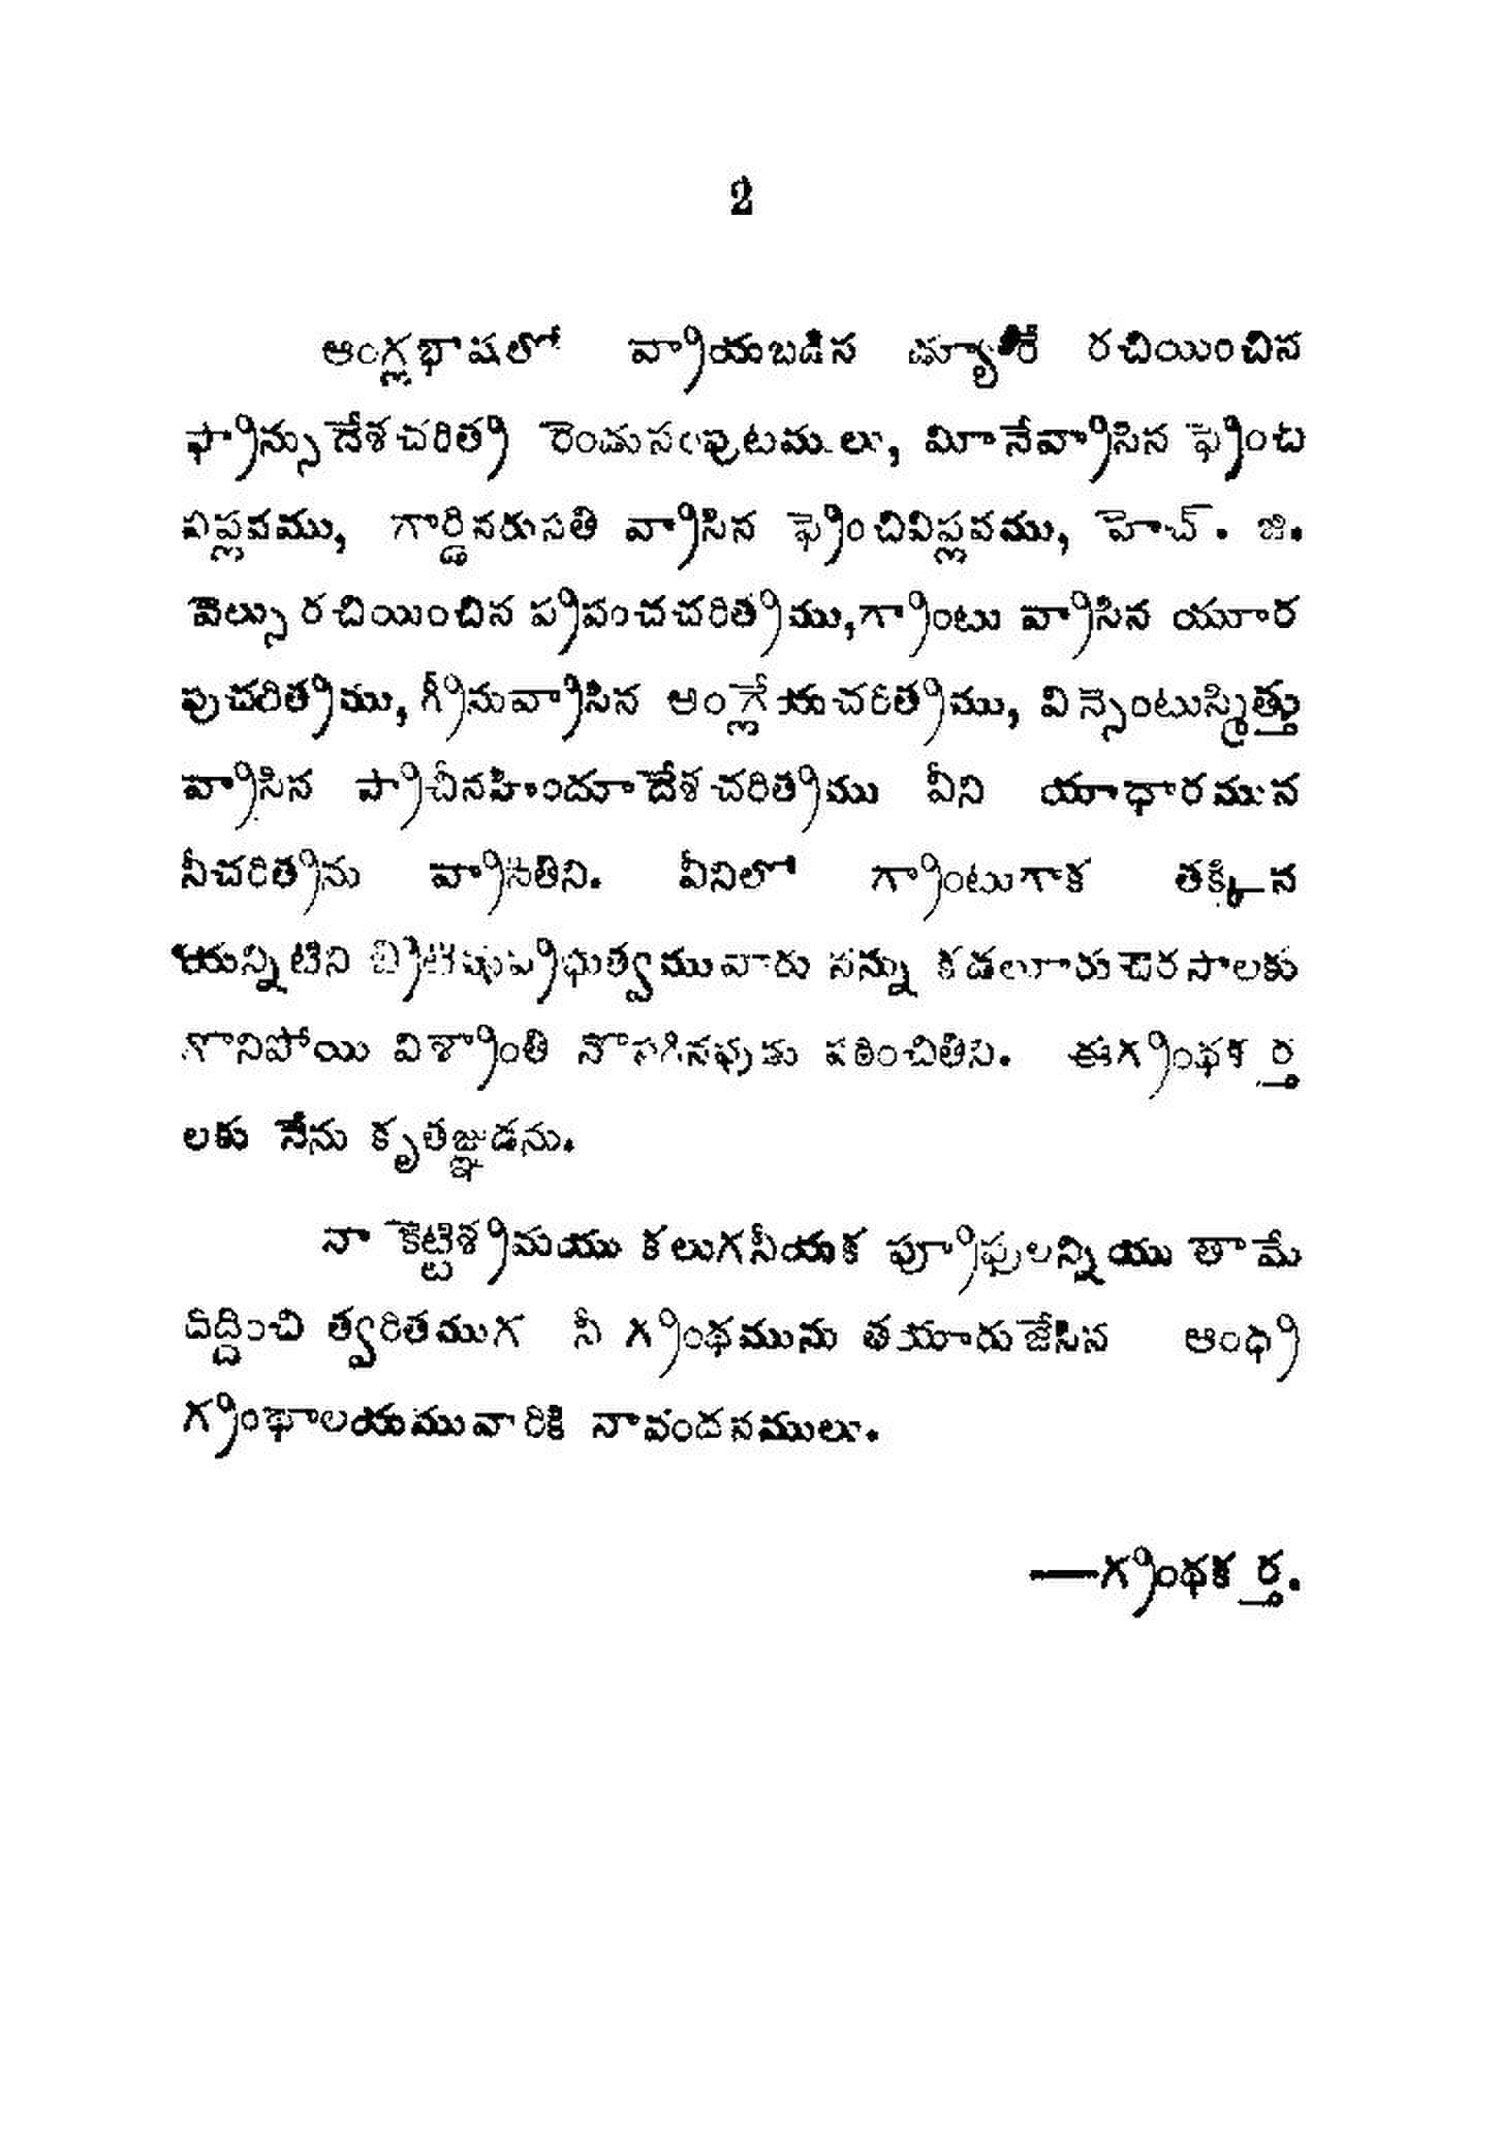ఆంగ్ల భాషలో వ్రాయబడిన డ్యూరే రచియించిన
ఫ్రాన్సు దేశ చరిత్ర రెండు సంపుటములు, మీనే వాసిన ఫ్రెంచి
విప్లవము, గార్డినరు సతి వాసిన ఫ్రెంచి విప్లవము, 'హెచ్. జి.
వెల్సు రచియించిన ప్రపంచచరిత్రము, గ్రాంటు వ్రాసిన యూర
పుచరిత్రము, గీసు వాసిన ఆంగ్లేయుచరితము, విన్సెంటుస్మిత్తు
వాసిన ప్రాచీన హిందూ దేశ చరితము వీని యాధారమున
నీ చరిత్రను వ్రాసితిని. వీనిలో గ్రాంటు గాక తక్కిన
యన్ని టిని బ్రిటిషు ప్రభుత్వము వారు నన్ను కడలూరు చెరసాలకు
కొనిపోయి విశ్రాంతి నొసగినపుడు పఠించితిని. ఈ గంధకర్త
లకు నేను కృతజ్ఞుడను.

నా కెట్టిశ్రమయు కలుగనీయక ప్రూపులన్ని యు తామే
దిద్దించి త్వరితముగ నీ గ్రంథమును తయూరు జేసిన
ఆంధ్రగ్రంథాలయమువారికి నావందనములు.